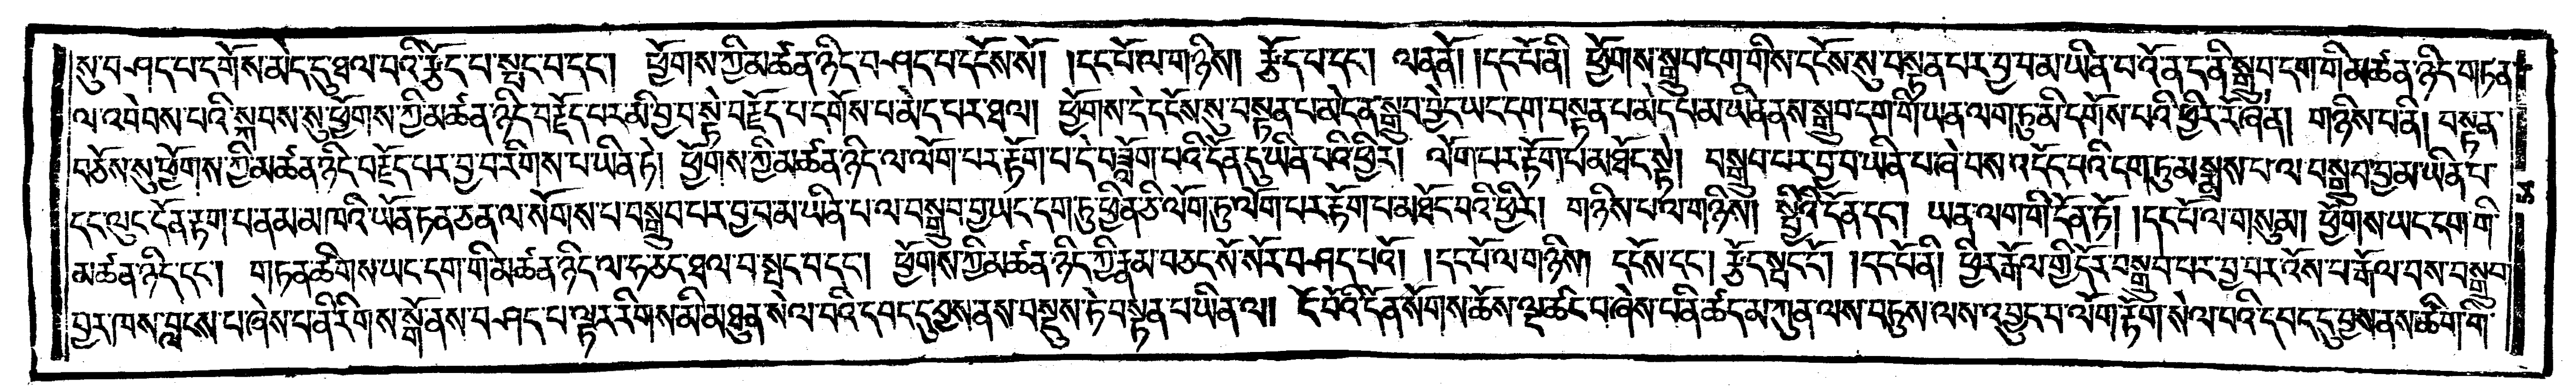སུ་བཤད་པ་དགོས་མེད་དུ་ཐལ་བའི་རྩོད་པ་སྤང་བ་དང་། ཕྱོགས་ཀྱི་མཚན་ཉིད་བཤད་པ་དངོས་སོ། །དང་པོ་ལ་གཉིས། རྩོད་པ་དང་། ལན་ནོ། །དང་པོ་ནི། ཕྱོགས་སྒྲུབ་ངག་གིས་དངོས་སུ་བསྟན་པར་བྱ་བ་མ་ཡིན་པ་འོ་ན་ད་ནི་སྒྲུབ་དག་གི་མཚན་ཉིད་གཏན་
ལ་འབེབས་པའི་སྐབས་སུ་ཕྱོགས་ཀྱི་མཚན་ཉིད་བརྗོད་པར་མི་བྱ་བ་སྟེ་བརྗོད་པ་དགོས་པ་མེད་པར་ཐལ། ཕྱོགས་དེ་དངོས་སུ་བསྟན་པ་མེད་ན་སྒྲུབ་བྱེད་ཡང་དག་བསྟན་པ་མེད་པ་མ་ཡིན་ནས་སྒྲུབ་དག་གི་ཡན་ལག་ཏུ་མི་དགོས་པའི་ཕྱིར་རོ་ཞེ་ན། གཉིས་པ་ནི། བསྟན་
བཅོས་སུ་ཕྱོགས་ཀྱི་མཚན་ཉིད་བརྗོད་པར་བྱ་བ་རིགས་པ་ཡིན་ཏེ། ཕྱོགས་ཀྱི་མཚན་ཉིད་ལ་ལོག་པར་རྟོག་པ་དེ་བཟློག་པའི་དོན་དུ་ཡིན་པའི་ཕྱིར། ལོག་པར་རྟོག་པ་མཐོང་སྟེ། བསྒྲུབ་པར་བྱ་བ་ཡིན་པ་ཞེ་པས་འདོད་པའི་དག་ཏུ་མ་སྨྲས་པ་ལ་བསྒྲུབ་བྱ་མ་ཡིན་པ་
དང་ལུང་དོན་རྟག་པ་ནམ་མཁའི་ཡོན་ཏན་ཅན་ལ་སོགས་པ་བསྒྲུབ་པར་བྱ་བ་མ་ཡིན་པ་ལ་བསྒྲུབ་བྱ་ཡང་དག་ཏུ་ཕྱིན་ཅི་ལོག་ཏུ་ལོག་པར་རྟོག་པ་མཐོང་བའི་ཕྱིར། གཉིས་པ་ལ་གཉིས། སྤྱིའི་དོན་དང་། ཡན་ལག་གི་དོན་ཏོ། །དང་པོ་ལ་གསུམ། ཕྱོགས་ཡང་དག་གི་
མཚན་ཉིད་དང་། གཏན་ཚིགས་ཡང་དག་གི་མཚན་ཉིད་ལ་ཧ་ཅང་ཐལ་བ་སྤང་བ་དང་། ཕྱོགས་ཀྱི་མཚན་ཉིད་ཀྱི་རྣམ་བཅང་སོ་སོར་བཤད་པའོ། །དང་པོ་ལ་གཉིས། དངོས་དང་། རྩོད་སྤང་ངོ། །དང་པོ་ནི། ཕྱིར་རྒོལ་གྱི་དོར་བསྒྲུབ་པར་བྱ་བར་འོས་པ་རྒོལ་བས་བསྒྲུབ་
བྱར་ཁས་བླངས་པ་ཞེས་པ་ནི་རིགས་སྒོ་ནས་བཤད་པ་ལྟར་རིགས་མི་མཐུན་སེལ་བའི་དབང་དུ་དབང་དུ་བྱས་ནས་བསྡུས་ཏེ་བསྟན་པ་ཡིན་ལ། ངོ་བོའི་དོན་སོགས་ཆོས་ལྔ་ཚང་བ་ཞེས་པ་ནི་ཚད་མ་ཀུན་ལས་བཏུས་ལས་འབྱུང་བ་ལོག་རྟོག་སེལ་བའི་དབང་དུ་བྱས་ནས་ཚིག་གི་